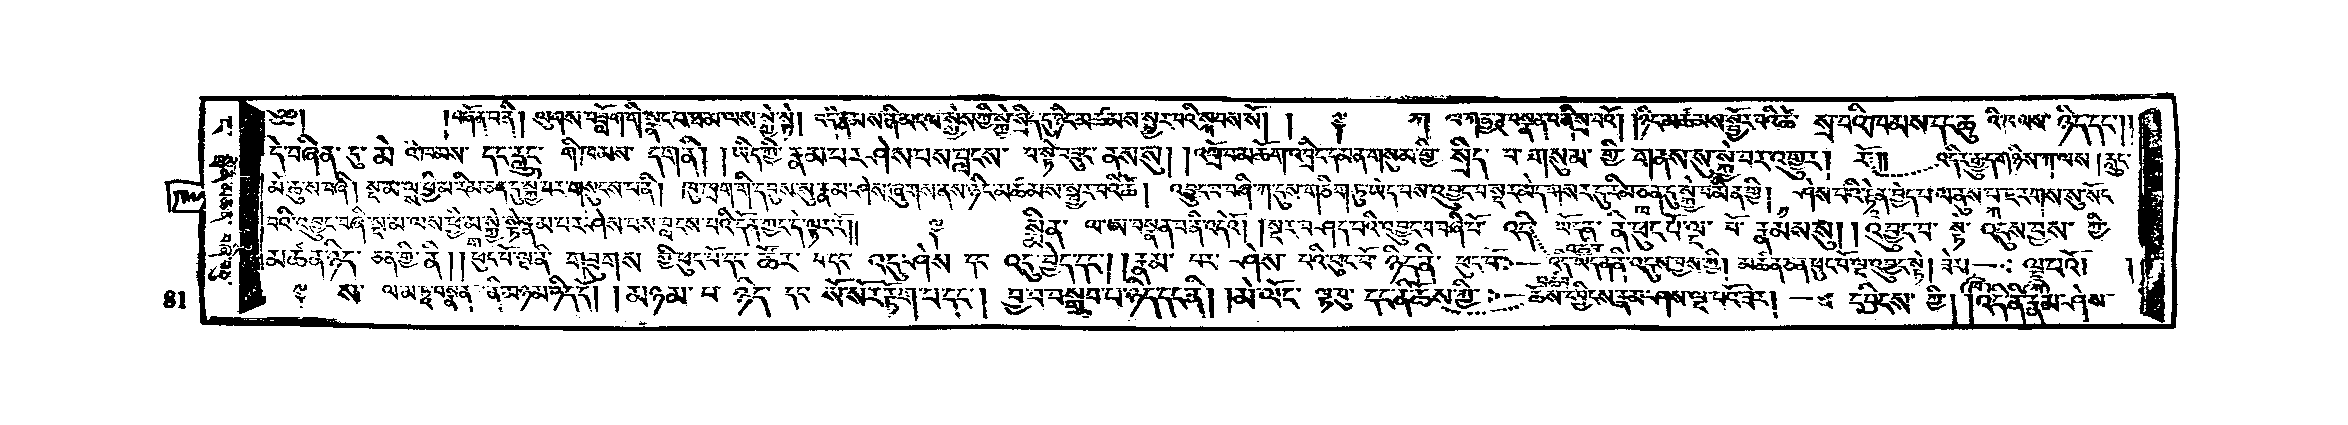༄༅། །བཞོན་པ་ན། ལུགས་བཟློག་གི་སྣང་བ་ཐ་མ་ལས་སྐྱེ་སྟེ། འདི་རྣམས་ནི་མང་ལ་སྐྱེས་ཀྱི་སྐྱེ་སྲིད་དུ་ཉོང་མཆམས་སྦྱར་བའི་སྐབས་སོ། ། ༈ ཀ་ལ་ཀ་ནཡ་ཊ་བསྣན་པ་ནི་སྲ་བའོ།།ཉིང་མཚམས་སྦྱོར་བའི་ཚེ་སྲ་བའི་ཁམས་དང་ཆུའི་ཁམས་ཉིད་དང།།
དེ་བཞིན་དུ་མེའི་ཁམས་དང་རླུང་གི་ཁམས་དག་ནི།།ཡིད་ཀྱི་རྣམ་པར་ཤེས་པས་བླངས་པ་སེ་ཟུང་ནས་སུ། །འགྲོ་བ་མཆོག་འབྲིང་དམན་གསུམ་གྱི་སྲིད་པ་གསུམ་གྱི་གནས་སུ་སྐྱེ་བར་འགྱུར། རོ།། འདིར་རྒྱུད་གཉིས་ཀ་ལས། རླུང་
མེ་ཆུ་ས་བཞི། སྔ་མ་ལས་ཕྱི་མ་རིམ་ཅན་དུ་སྐྱེ་བ་གསུངས་པ་ནི། ཁུ་ཁྲག་གི་དབུས་སུ་ནམ་ཤེས་ཞུགས་ནས་ཉིང་མཚམས་སྦྱ་བའི་ཚེ། འབྱུང་བ་བཞི་བ་དུས་གཅིག་ཏུ་ཡོད་པས་འབྱུང་བ་སྔར་མེད་གསར་དུ་རེམ་ཅན་དུ་སྐྱེ་བ་མིན་གྱི། ཤེས་པའི་རྟེན་བྱེད་པ་ལ་ནུས་པ་ཇི་རགས་སུ་སོང་
བའི་འབྱུང་བཞི་སྔ་མ་ལས་ཕྱི་མ་སྐྱེ་སྟེ་རྣམ་པར་ཤེས་པས་བླངས་པའི་དོན་ཀྱང་དེ་ལྟར་རོ།། ༈ སྨིན་ལ་ཨ་བསྣན་པ་ནི་འདེའོ། །སྔར་བཤད་པའི་འབྱུང་བ་བཞི་པོ་འདི་ཡོད་ན་ནི་ཕུང་པོ་ལྔ་པོ་རྣམས་སུ། །འབྱུང་བ་སྟེ་འདུས་བྱས་ཀྱི་
མཚན་ཉིད་ཅན་གྱི་ནི། །ཕུང་པོ་ལྔ་ནི་གཟུགས་ཀྱི་ཕུང་པོ་དང་ཚོར་བ་དང་འདུ་ཤེས་དང་འདུ་བྱེད་དང་། །རྣམ་པར་ཤེས་པའི་ཕང་པོ་ཉིད་ནི་ཕུང་པོཿའདི་ཡོད་ན་ནི་འདུས་བྱས་ཀྱི། མཚན་ཅན་ཕུང་པོ་ལྔ་འབྱུང་སྟེ་འདུས་བྱས་ཀྱི་
མཚན་ཉིད་ཅན་གྱི་ནི། །ཕུང་པོ་ལྔ་ནི་གཟུགས་ཀྱི་ཕུང་པོ་དང་སོར་བ་དང་འདུ་ཤེས་དང་འདུ་བྱེད་དང།།རྣམ་པར་ཤེས་པའི་ཕུང་པོ་ཉིད་ནི་ཕུང་པོཿའདི་ཡོད་ན་ནི་འདུས་བྱས་ཀྱི། མཚན་ཅན་ཕུང་པོ་ལྔ་འབྱུང་སྟེ། ཟེར།.Hལྔ་པའོ། །
༈ ས་ལ་མ་ཏའ་བསྣན་?་ནི་མཉམ་ཉིད་དོ། །མཉམ་པ་ཉིད་དང་སོ་སོར་རྟོག་པ་དང་། བྱ་བསྒྲུབ་པ་ཉིད་དང་ནི། །མེ་ལོང་ལྟ་བུ་དང་ནི་ཆོས་ཀྱིཿཆོས་དབྱངས་རྣམ་ཤེས་ལྔ་པའོ་ཟེར།.Hབྱིངས་ཀྱི།།འདི་ནི་རྣམ་ཤེས་